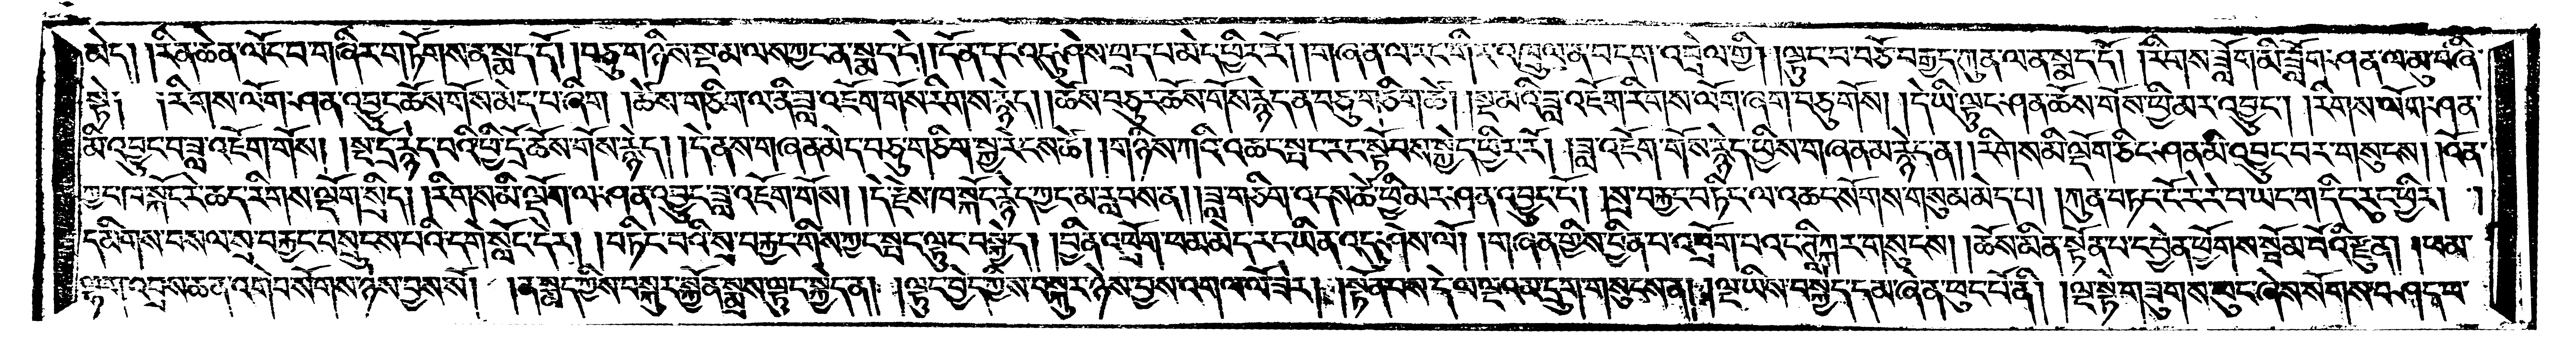མེད། །རིན་ཆེན་ལོང་བ་གཞིར་གཏོགས་ན་སྨད་དོ། །བཅུ་གཉིས་སྔ་མ་ལས་ཀྱང་ན་སྨད་དེ། །དོན་དང་འདུ་ཤེས་ཕྲད་པ་མེད་ཕྱིར་རོ། །གཞན་ལ་རང་གིར་འཁྲུལ་ན་བདག་འབྲེལ་གྱི། །ལྟུང་བ་བཅོ་བརྒྱད་ཀུན་ལ་ན་སྨད་དོ། །རིགས་ཟློག་མི་ཟློག་ཤན་ལ་མུ་བཞི་
སྟེ༑ ༑རིགས་ལོག་ཤན་འབྱུང་ཆོས་གོས་མེད་པ་ཞིག །ཚེས་གཅིག་ལ་ནི་ཟླ་འཇོག་གོས་རིགས་རྙེད། །ཚེས་བཅུར་ཆོས་གོས་རྙེད་ན་བཅུ་གཅིག་ཚེ། །སྦ་མའི་ཟླ་འཇོག་རིགས་ལོག་ཞག་བཅུ་གོས། །དེ་ཡི་ལྟུང་ཤན་ཆོས་གོས་ཕྱི་མར་འབྱུང་། །རིགས་ལོག་ཤན་
མི་འབྱུང་བ་ཟླ་འཇོག་གོས། །སྔ་དྲོ་རྙེད་བའི་ཕྱི་དྲོ་ཆོས་གོས་རྙེད། །དེ་ནས་གཞན་མེད་བཅུ་གཅིག་སྐྱ་རེངས་ཚེ། །གཉིས་ཀའི་འཆང་སྤང་རང་སྟོབས་སྐྱེད་ཕྱིར་རོ། །ཟླ་འཇོག་གོས་རྙེད་ཕྱིས་གཞན་མ་རྙེད་ན། །རིགས་མི་ལྡོག་ཅིང་ཤན་མི་འགྱུར་བར་གསུངས། །འོན་
ཀྱང་ཁ་སྐོང་རེ་ཆད་རིགས་ལྡོག་སྲིད། །རིགས་མི་ལྡོག་ལ་ཤན་འབྱུང་ཟླ་འཇོག་གོས། །དེ་རྗེས་ཁ་སྐོང་རྙེད་ཀྱང་མ་རླབས་ན། །ཟླ་གཅིག་འདས་ཚེ་ཕྱི་མར་ཤན་འབྱུང་པོ། །སྲ་བརྐྱང་བཏིང་ལ་འཆང་སོགས་གསུམ་མེད་པ། །ཀུན་བཏང་ངོ་རེ་རེ་བ་ཡང་གདིང་རུང་ཕྱིར། །
དམིགས་བསལ་སྲ་བརྐྱང་བསྲུངས་པའི་དགེ་སློང་དེར། །བཏིང་པའི་སྲ་བརྐྱང་གིས་ཀྱང་སྤང་ལྟུང་བསྐྱེད། །བྱིན་འཕྲོག་ཕམ་མེད་རང་ཡིན་འདུ་ཤེས་ལོ། །གཞན་གྱིས་བྱིན་པ་འཕྲོག་པའང་ཊཱིཀྐར་གསུངས། །ཆོས་མིན་སྟོན་པར་དབྱེན་ཕྱོགས་སྦོམ་པོའི་རྫུན། །ཕམ་
ལྷག་འབྲས་ཆན་འགབ་སོགས་ཉེས་བྱས་སོ། །ན་སྨད་ཀྱིས་བསྐུར་སྐྱོན་སྨྲས་ལྟུང་སྐྱེད་ན། །ལྟུང་བྱེད་ཀྱིས་བསྐུར་ཉེས་བྱས་འགལ་ལོ་ཟེར། །སྟོན་པས་དེ་ལ་ལྔའམ་དྲུག་གསུངས་ན་།ལྔ་ཡིས་བསྐྱོད་དམ་ཞེ་ན་ཕུང་པོ་ནི། །ལྔ་སྟེ་གཟུགས་ཕུང་ཞེས་སོགས་བཤད་པ་